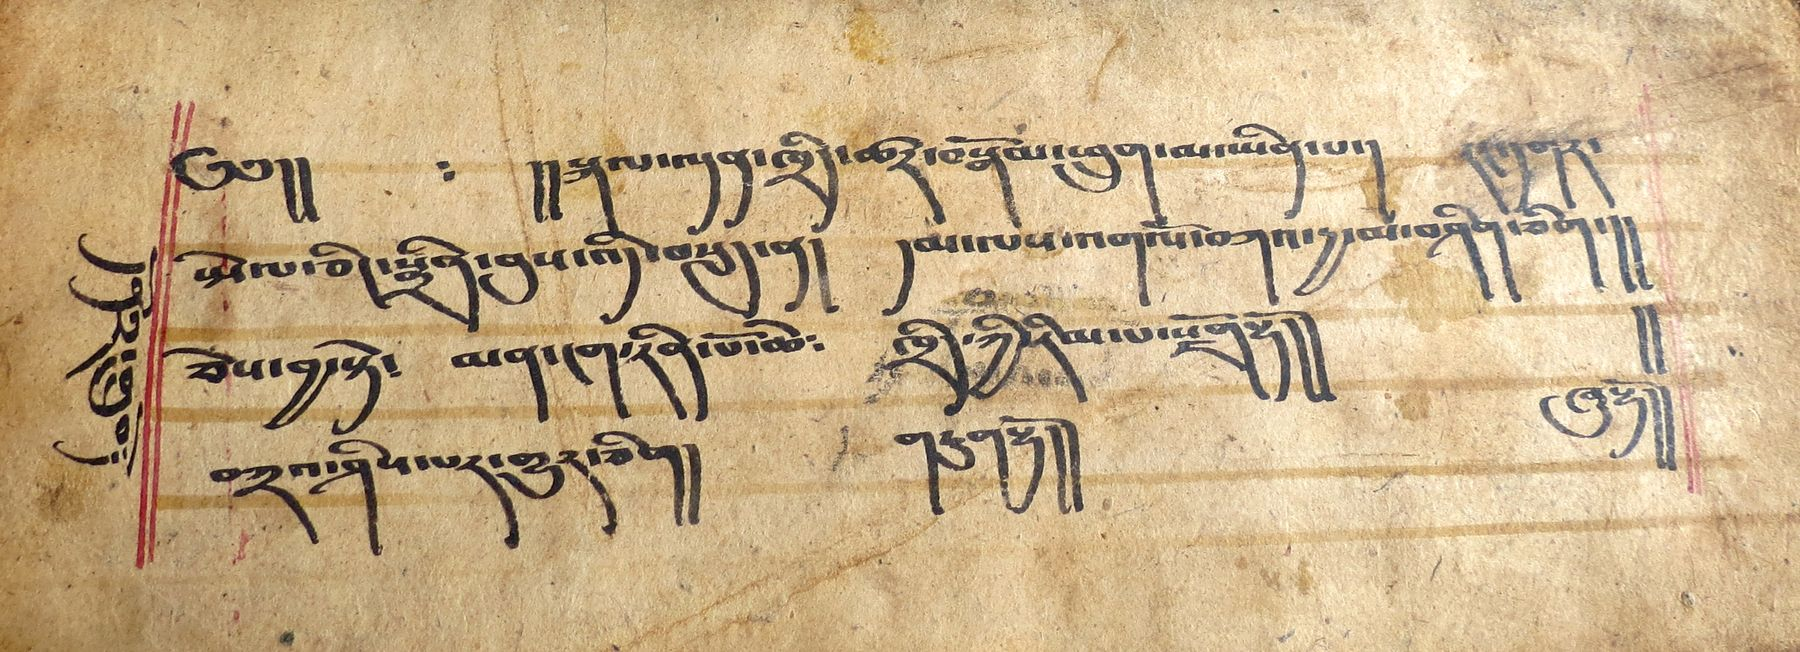སྐལ་ལྡན་ཁྲིད་ཚར་བསྒོམ་ཕྲུག་མ་ཡིན་པས། རང་དགར་
སྤེལ་ཅིང་སྤྲིན་བུས་འདི་བསླད་ན། དམ་པ་འགལ་ལོ་བཀའ་རྒྱ་མ་བཤིགས་ཅིག 
ཅེས་བྱ་སྟེ། མན་ངག་རིན་པོ་ཆེ་ཁྲིད་ཀྱི་རིམ་པ་རྫོགས་སོ། ། ། ། དགེའོ། 
བཀྲ་ཤིས་པར་གྱུར་ཅིག ། གཏུགས་སོ། ། ཞུས་སོ། །